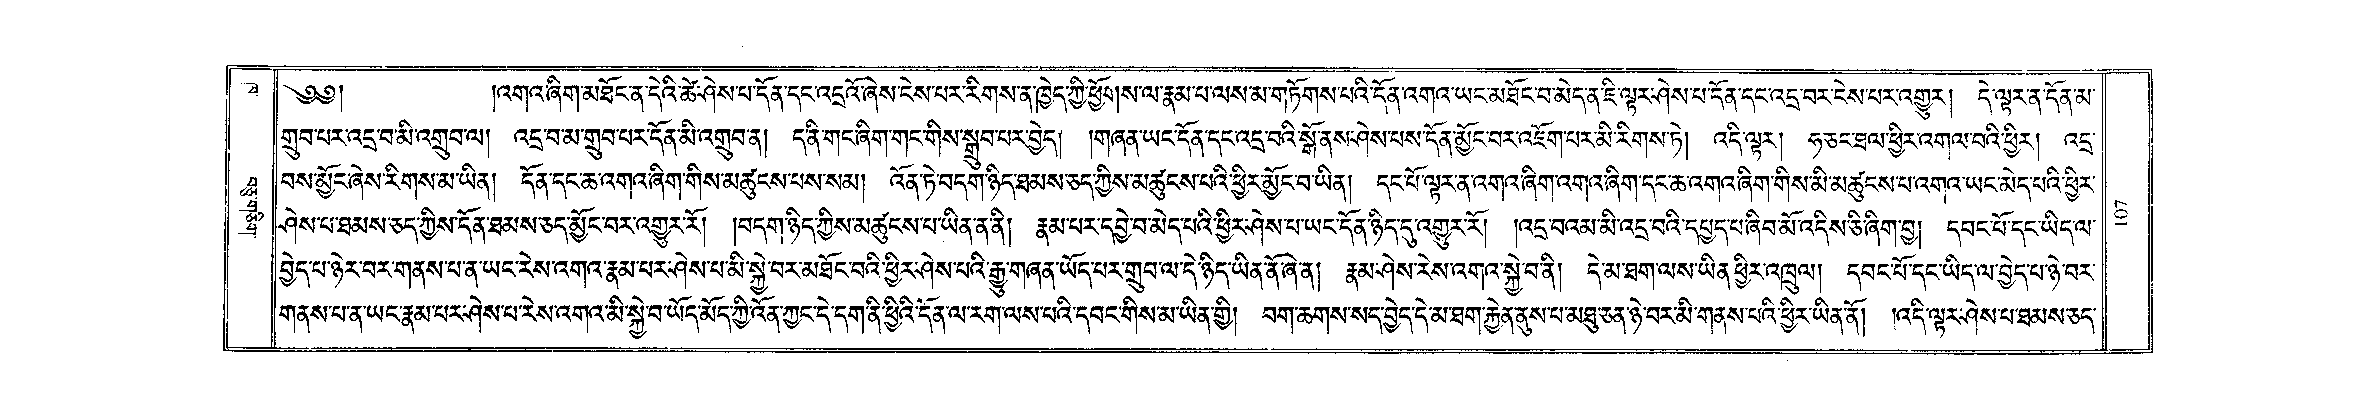༄༅། །འགའ་ཞིག་མཐོང་ན་དེའི་ཚེ་ཤེས་པ་དོན་དང་འདྲའོ་ཞེས་ངེས་པར་རིགས་ན་ཁྱེད་ཀྱི་ཕྱོགས་ལ་རྣམ་པ་ལས་མ་གཏོགས་པའི་དོན་འགའ་ཡང་མཐོང་བ་མེད་ན་ཇི་ལྟར་ཤེས་པ་དོན་དང་འདྲ་བར་ངེས་པར་འགྱུར། དེ་ལྟར་ན་དོན་དམ་
གྲུབ་པར་འདྲ་བ་མི་འགྲུབ་ལ། འདྲ་བ་མ་གྲུབ་པར་དོན་མི་འགྲུབ་ན། ད་ནི་གང་ཞིག་གང་གིས་སྒྲུབ་པར་བྱེད། །གཞན་ཡང་དོན་དང་འདྲ་བའི་སྒོ་ནས་ཤེས་པས་དོན་མྱོང་བར་འཇོག་པར་མི་རིགས་ཏེ། འདི་ལྟར། ཧ་ཅང་ཐལ་ཕྱིར་འགལ་བའི་ཕྱིར། འདྲ་
བས་མྱོང་ཞེས་རིགས་མ་ཡིན། དོན་དང་ཆ་འགའ་ཞིག་གིས་མཚུངས་པས་སམ། འོན་ཏེ་བདག་ཉིད་ཐམས་ཅད་ཀྱིས་མཚུངས་པའི་ཕྱིར་མྱོང་བ་ཡིན། དང་པོ་ལྟར་ན་འགའ་ཞིག་འགའ་ཞིག་དང་ཆ་འགའ་ཞིག་གིས་མི་མཚུངས་པ་འགའ་ཡང་མེད་པའི་ཕྱིར་
ཤེས་པ་ཐམས་ཅད་ཀྱིས་དོན་ཐམས་ཅད་མྱོང་བར་འགྱུར་རོ། །བདག་ཉིད་ཀྱིས་མཚུངས་པ་ཡིན་ན་ནི། རྣམ་པར་དབྱེ་བ་མེད་པའི་ཕྱིར་ཤེས་པ་ཡང་དོན་ཉིད་དུ་འགྱུར་རོ། །འདྲ་བའམ་མི་འདྲ་བའི་དཔྱད་པ་ཞིབ་མོ་འདིས་ཅི་ཞིག་བྱ། དབང་པོ་དང་ཡིད་ལ་
བྱེད་པ་ཉེར་བར་གནས་པ་ན་ཡང་རེས་འགའ་རྣམ་པར་ཤེས་པ་མི་སྐྱེ་བར་མཐོང་བའི་ཕྱིར་ཤེས་པའི་རྒྱུ་གཞན་ཡོད་པར་གྲུབ་ལ་དེ་ཉིད་ཡིན་ནོ་ཞེ་ན། རྣམ་ཤེས་རེས་འགའ་སྐྱེ་བ་ནི། དེ་མ་ཐག་ལས་ཡིན་ཕྱིར་འཁྲུལ། དབང་པོ་དང་ཡིད་ལ་བྱེད་པ་ཉེ་བར་
གནས་པ་ན་ཡང་རྣམ་པར་ཤེས་པ་རེས་འགའ་མི་སྐྱེ་བ་ཡོད་མོད་ཀྱི་འོན་ཀྱང་དེ་དག་ནི་ཕྱིའི་དོན་ལ་རག་ལས་པའི་དབང་གིས་མ་ཡིན་གྱི། བག་ཆགས་སད་བྱེད་དེ་མ་ཐག་རྐྱེན་ནུས་པ་མཐུ་ཅན་ཉེ་བར་མི་གནས་པའི་ཕྱིར་ཡིན་ནོ། །འདི་ལྟར་ཤེས་པ་ཐམས་ཅད་